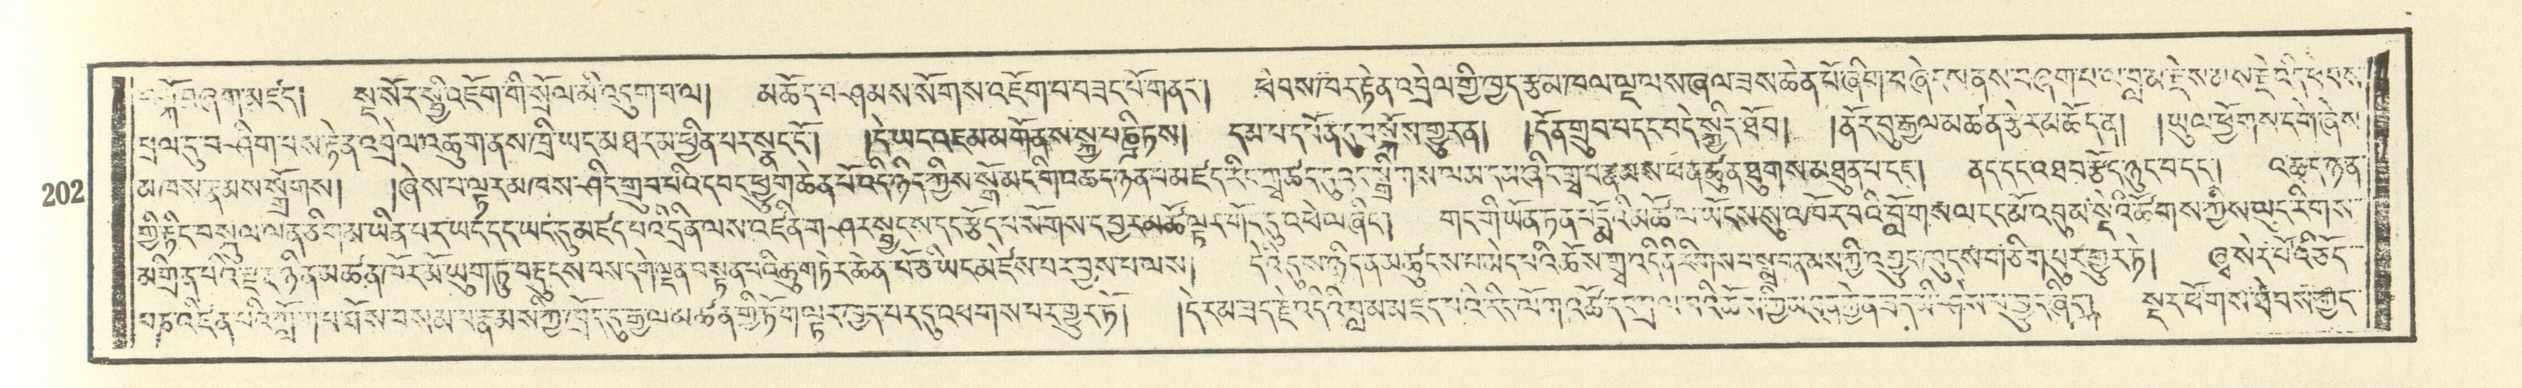བསྐོ་བཞག་མཛད། སྔ་སོར་སྤྱི་འཇོག་གི་སྲོལ་མི་འདུག་པ་ལ། མཆོད་བཤམས་སོགས་འཇོག་པ་བཟང་པོ་གནང་། ཕེབས་ཁར་རྟེན་འབྲེལ་གྱི་ཁྱད་རྩམ་ཁལ་ལྔ་ལས་ཞལ་ཟས་ཆེན་པོ་ཞིག་བཞེངས་ནས་བཞག་པ་ལ་བླ་མ་རྗེས་མས་རྗེ་འདི་ཕེབས་
ཕྲལ་དུ་བཤིག་པས་རྟེན་འབྲེལ་འཆུག་ནས་ཁྲི་ཡང་མཐར་མ་ཕྱིན་པར་སྣང་ངོ། །དེ་ཡང་འཇམ་མགོན་ས་སྐྱ་པཎྜི་ཏས། དམ་པ་དཔོན་དུ་བསྐོས་གྱུར་ན། །དོན་གྲུབ་པ་དང་བདེ་སྐྱིད་ཐོབ། །ནོར་བུ་རྒྱལ་མཚན་རྩེར་མཆོད་ན། །ཡུལ་ཕྱོགས་དགེ་ཞེས་
མཁས་རྣམས་སྒྲོགས། །ཞེས་པ་ལྟར་མཁས་ཤིང་གྲུབ་པའི་དབང་ཕྱུག་ཆེན་པོ་འདི་ཉིད་ཀྱིས་སྒོ་མང་གི་འཆད་ཉན་པ་མཛད་རིང་གྲྭ་ཚང་དུའང་སྒྲིགས་ལམ་དམ་ཞིང་གྲྭ་པ་རྣམས་ཕན་ཚུན་ཐུགས་མཐུན་པ་དང་། ནད་དང་འཐབ་རྩོད་ཉུང་བ་དང་། འཆད་ཉན་
གྱི་རྟིང་བསྐུལ་ལན་ཅིག་མ་ཡིན་པར་ཡང་དང་ཡང་དུ་མཛད་པའི་དྲིན་ལས་འཛིན་གཤར་སྦྱངས་དང་རྩོད་པ་སོགས་དབྱར་མཚོ་ལྟར་གོང་དུ་འཕེལ་ཞིང་། གང་གི་ཡོན་ཏན་པདམོའི་མཚོ་ལ་ཡོངས་སུ་འཁོར་བའི་བློ་གསལ་དང་མོ་འབུམ་སྡེའི་ཚོགས་ཀྱིས་ལུང་རིགས་
མགྲིན་པའི་རྫ་རྔ་ཉིན་མཚན་ཁོར་མོ་ཡུག་ཏུ་བརྡུངས་པས་དགེ་ལྡན་བསྟན་པའི་ཆུ་གཏེར་ཆེན་པོ་ཅི་ཡང་མཛེས་པར་བྱས་པ་ལས། དེའི་དུས་ཉིད་ན་མཚུངས་པ་མེད་པའི་ཆོས་གྲྭ་འདི་ནི་རིགས་པ་སྨྲ་བ་རྣམས་ཀྱི་འབྱུང་ཁུངས་གཅིག་པུར་གྱུར་ཏེ། ཞྭ་སེར་པོའི་ཅོད་
པཎ་འཛིན་པའི་ཀློག་པ་ཐོས་བསམ་པ་རྣམས་ཀྱི་ཁྲོད་དུ་རྒྱལ་མཚན་གྱི་ཏོག་ལྟར་ཁྱད་པར་དུ་འཕགས་པར་གྱུར་ཏོ། །དེར་མ་ཟད་རྗེ་འདིའི་བླ་མ་མཛད་པའི་རིང་ལོག་འཚོ་དང་བྲལ་བའི་ཆོས་ཀྱི་མཐུན་རྐྱེན་ཟད་མི་ཤེས་པ་བྱུང་ཞིང་། སྔར་ཕོགས་ཐེབས་ཀྱང་